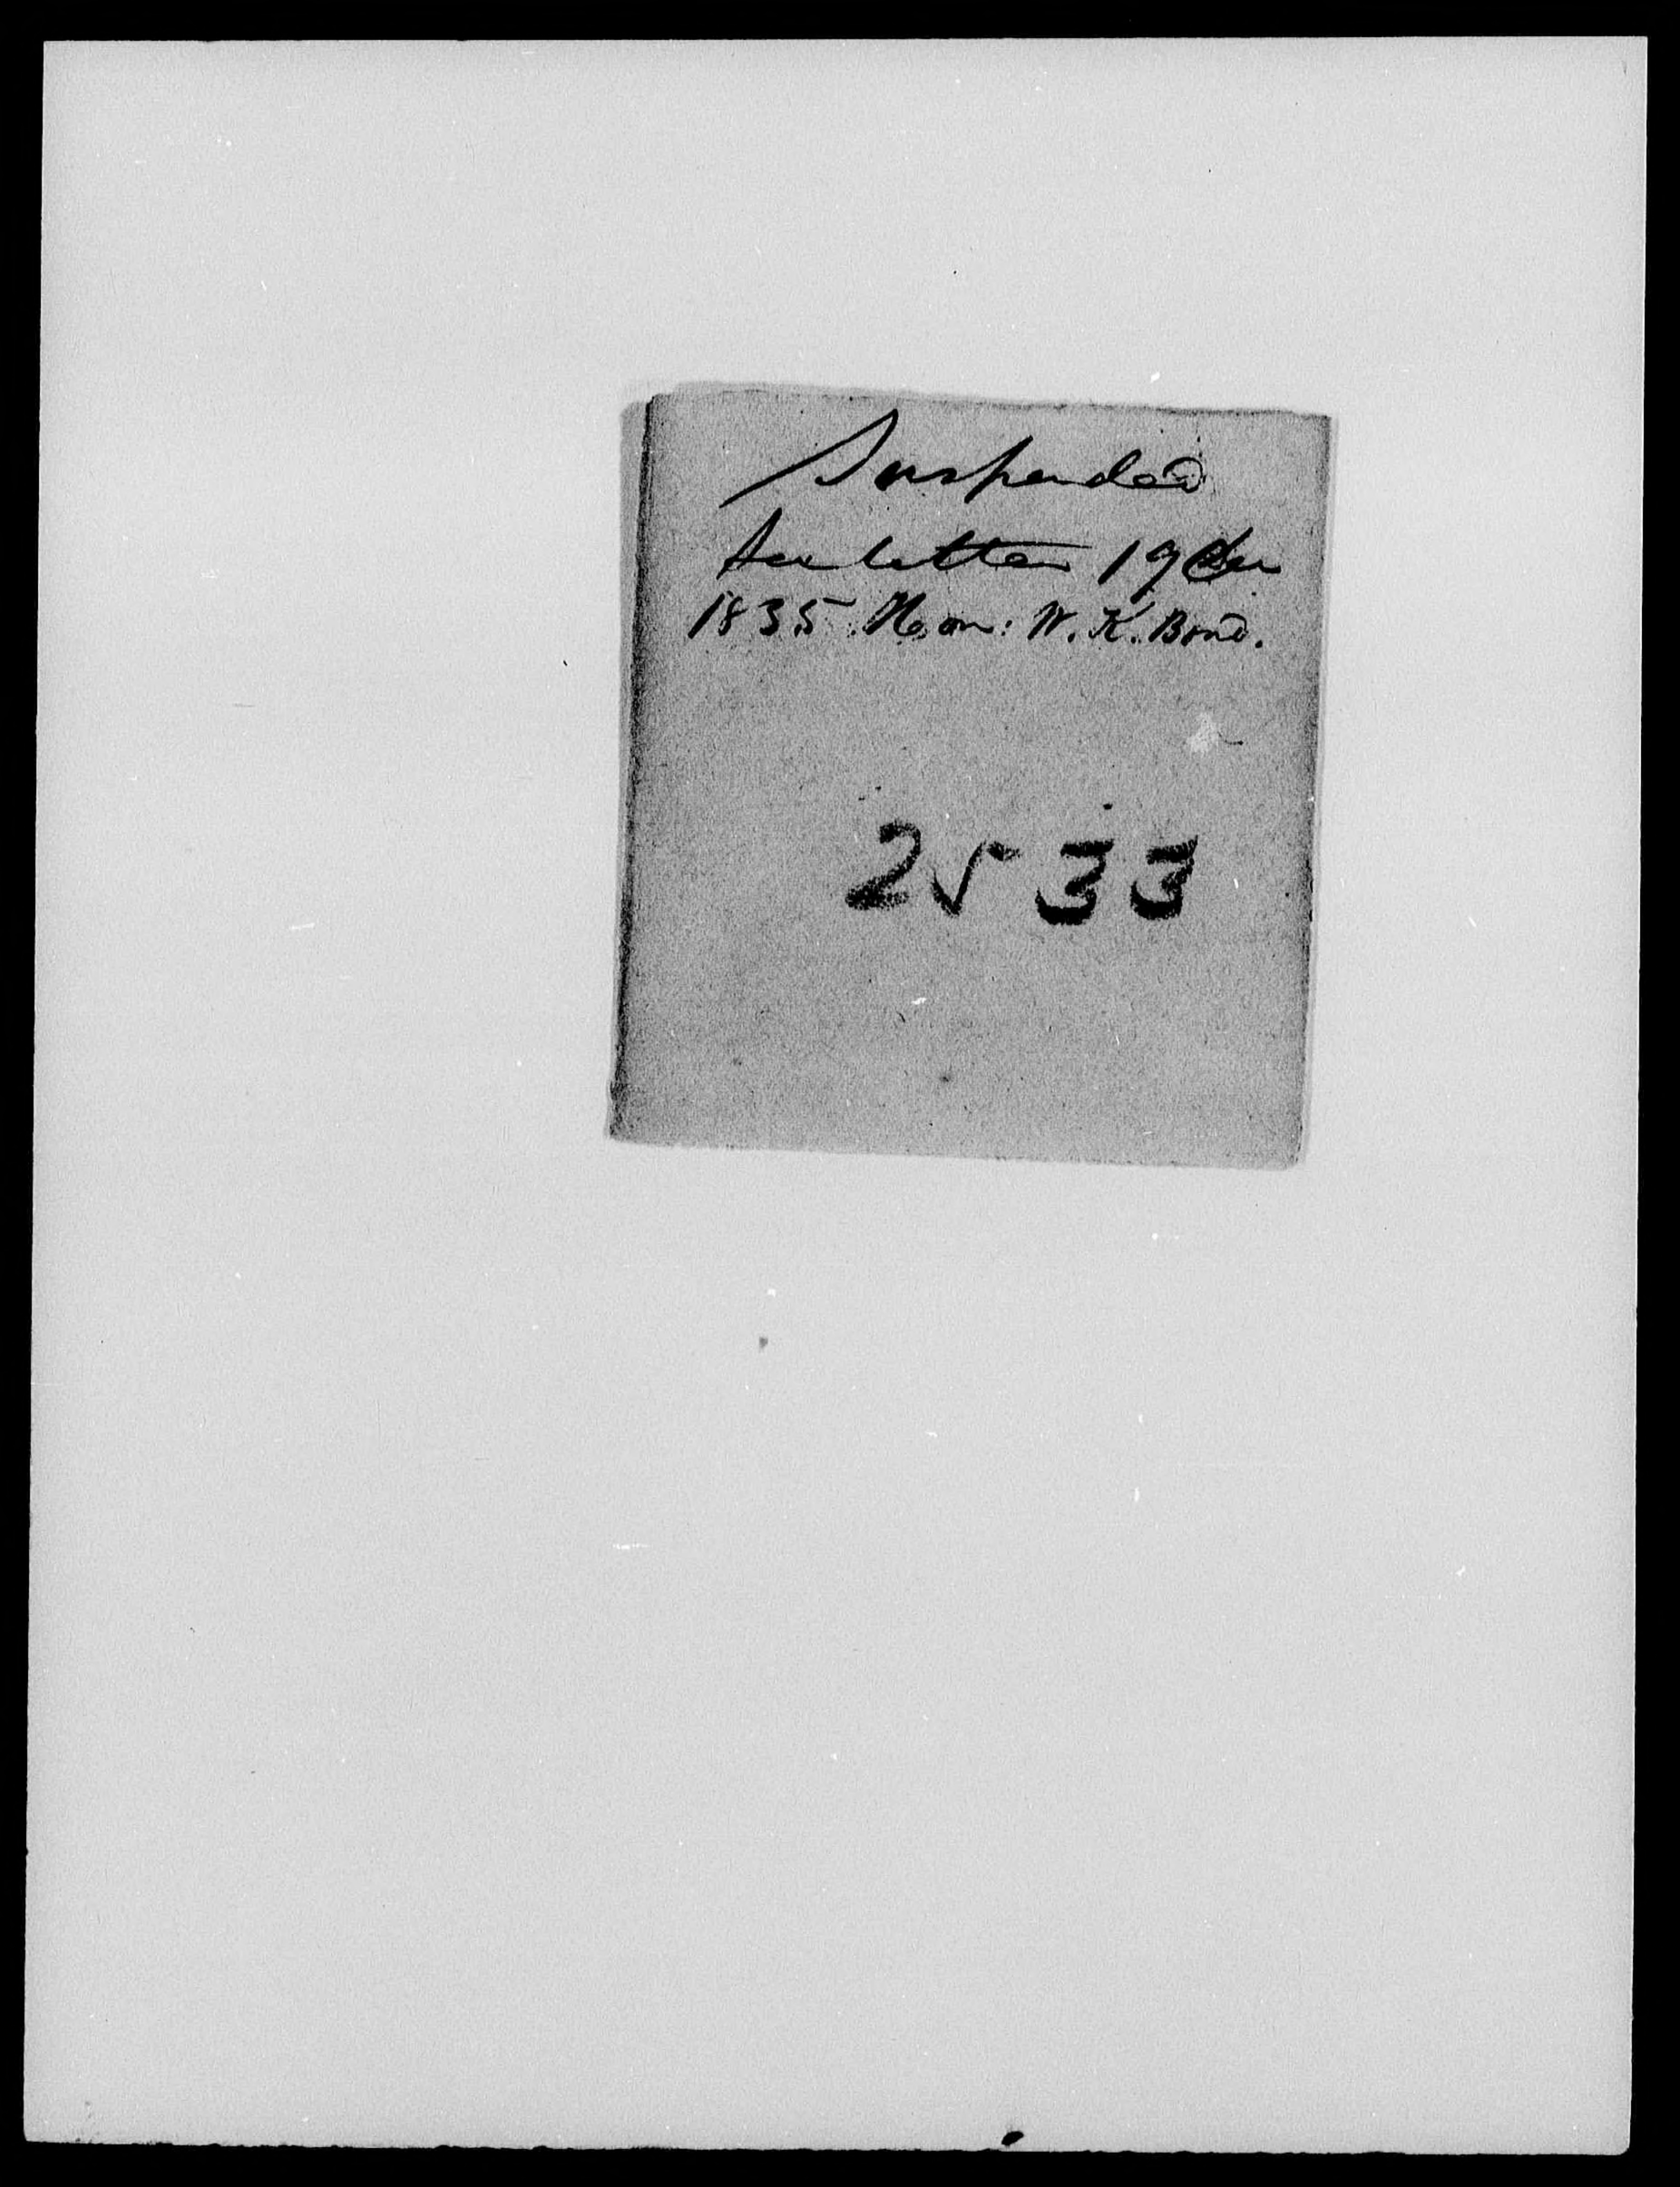Suspended
See letter 19th
1835 Hon. W. K. Bond.
2533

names: W K Bond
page: 4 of 8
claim: rejected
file: R. 2,533, Thomas Crouch, Md.